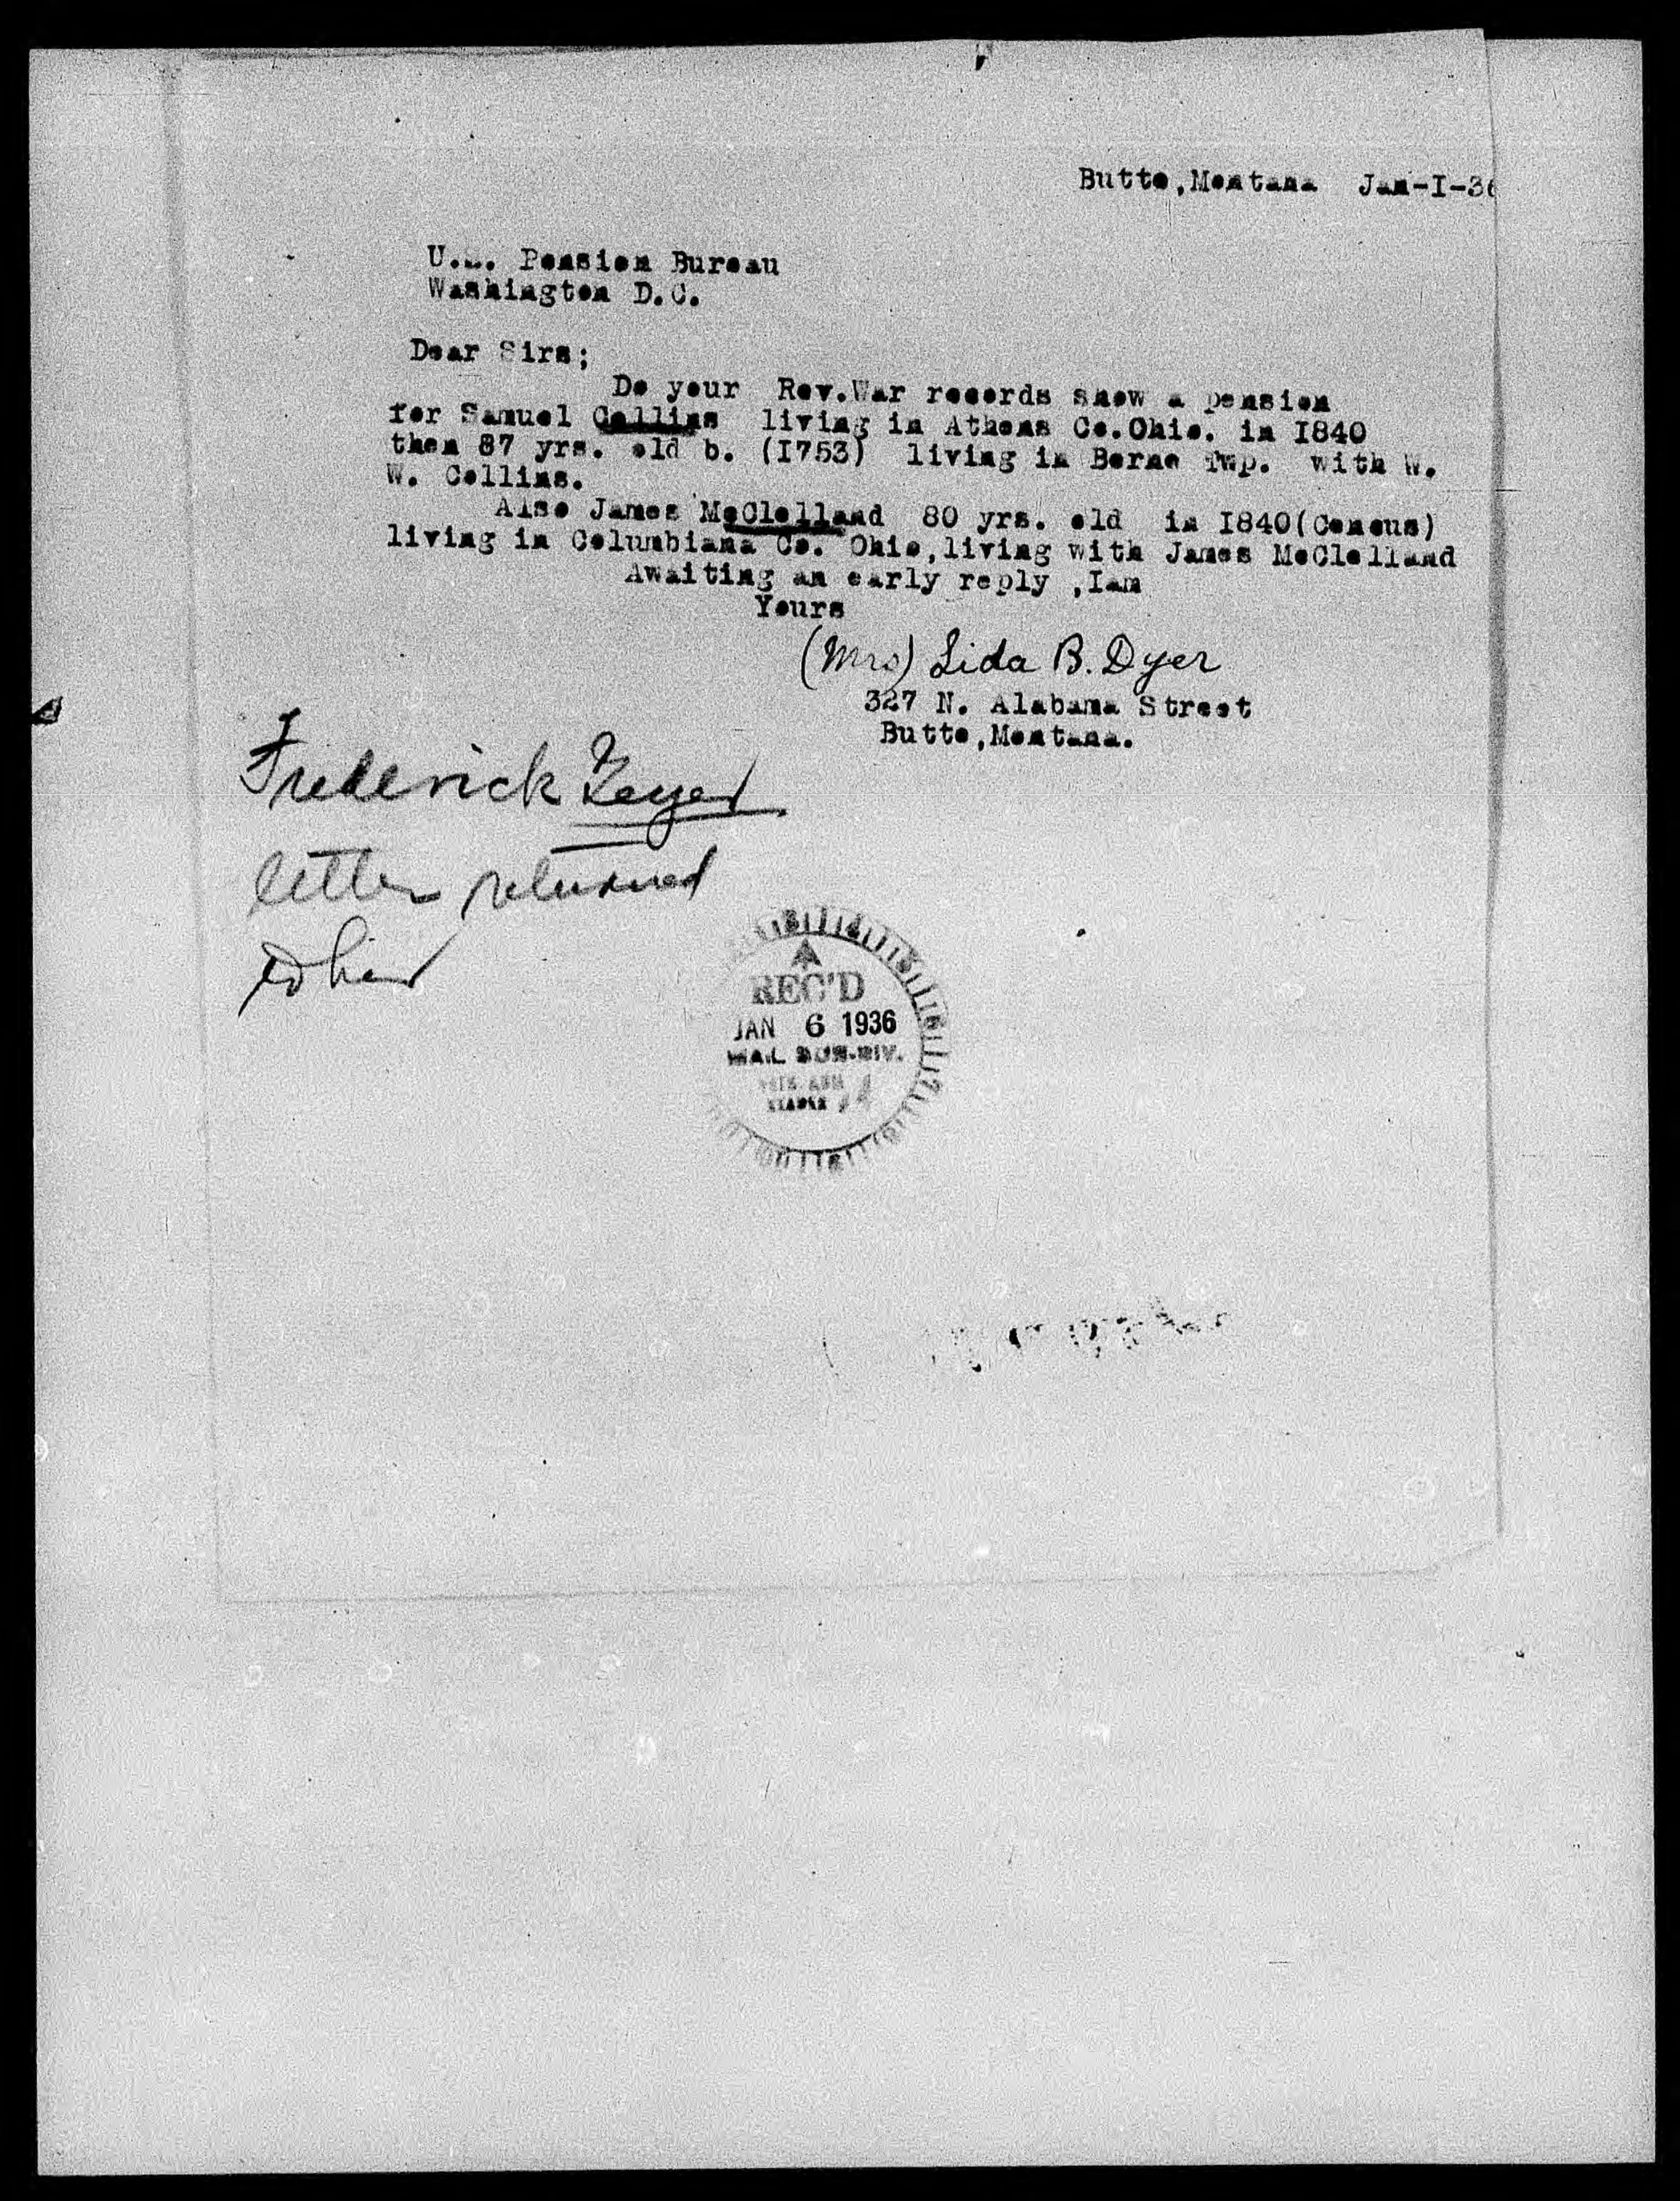U S Pension Bureau
Washington DC

Dear Sirs:

Do your Rev War records show a pension for Samuel Collina, living in Athens Co Ohio in 1840 then 87 yrs old, b 1753, living in Berne Twp with W W Collins.

Also James McClelland, 80 yrs old, in 1840 (Census) living in Columbiana Co, Ohio, living with James McClelland.

Awaiting an early reply, I am

Yours,

(Mrs) Lida B Dyer
327 N Alabama Street
Butte, Montana

Frederick Geyer
letter returned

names: Samuel Collins; W W Collins; Frederick Geyer; James Mc Clelland; Lida B Dyer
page: 16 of 16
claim: survivor's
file: S. 2764, for James Mc Clellan, Pennsylvania